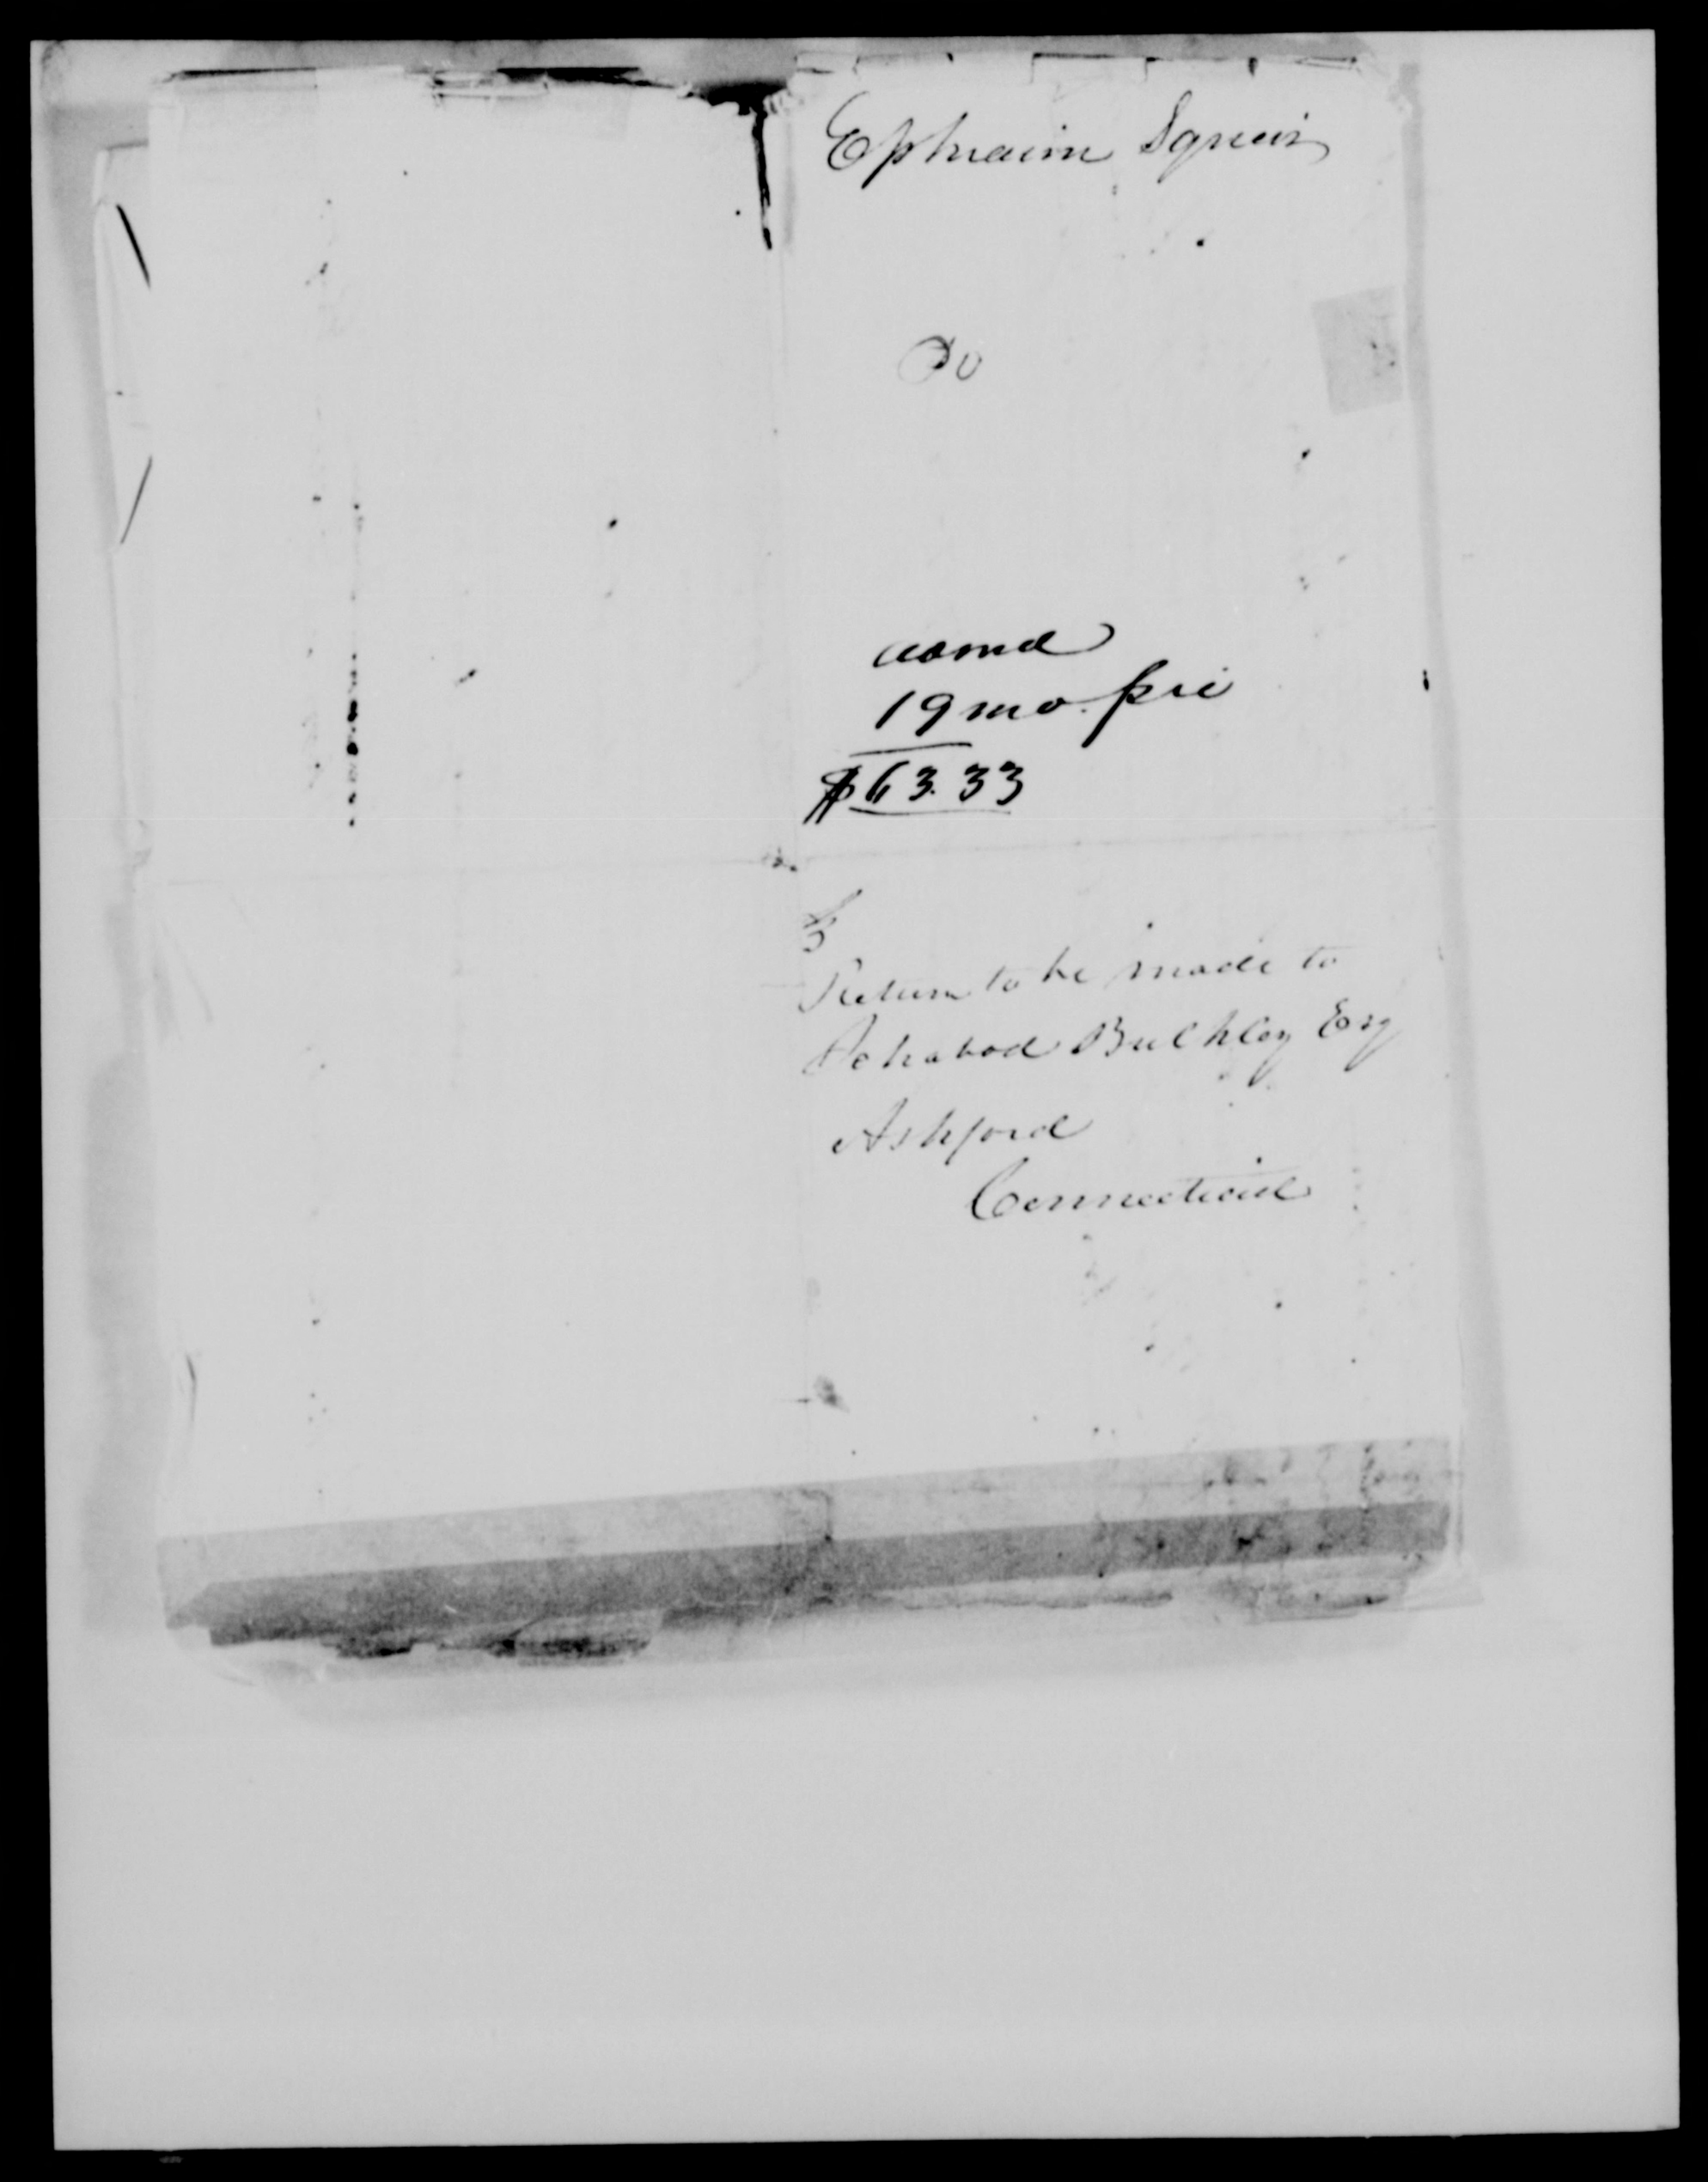Ephraim Squier

Admd
19 mo pri
$63.33

Return to be made to Ichabod Bulkley Esq 
Ashford Connecticut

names: Ichabod Bulkley; Ephraim Squier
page: 8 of 70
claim: rejected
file: R. 10,026, for Ephraim Squier, Connecticut